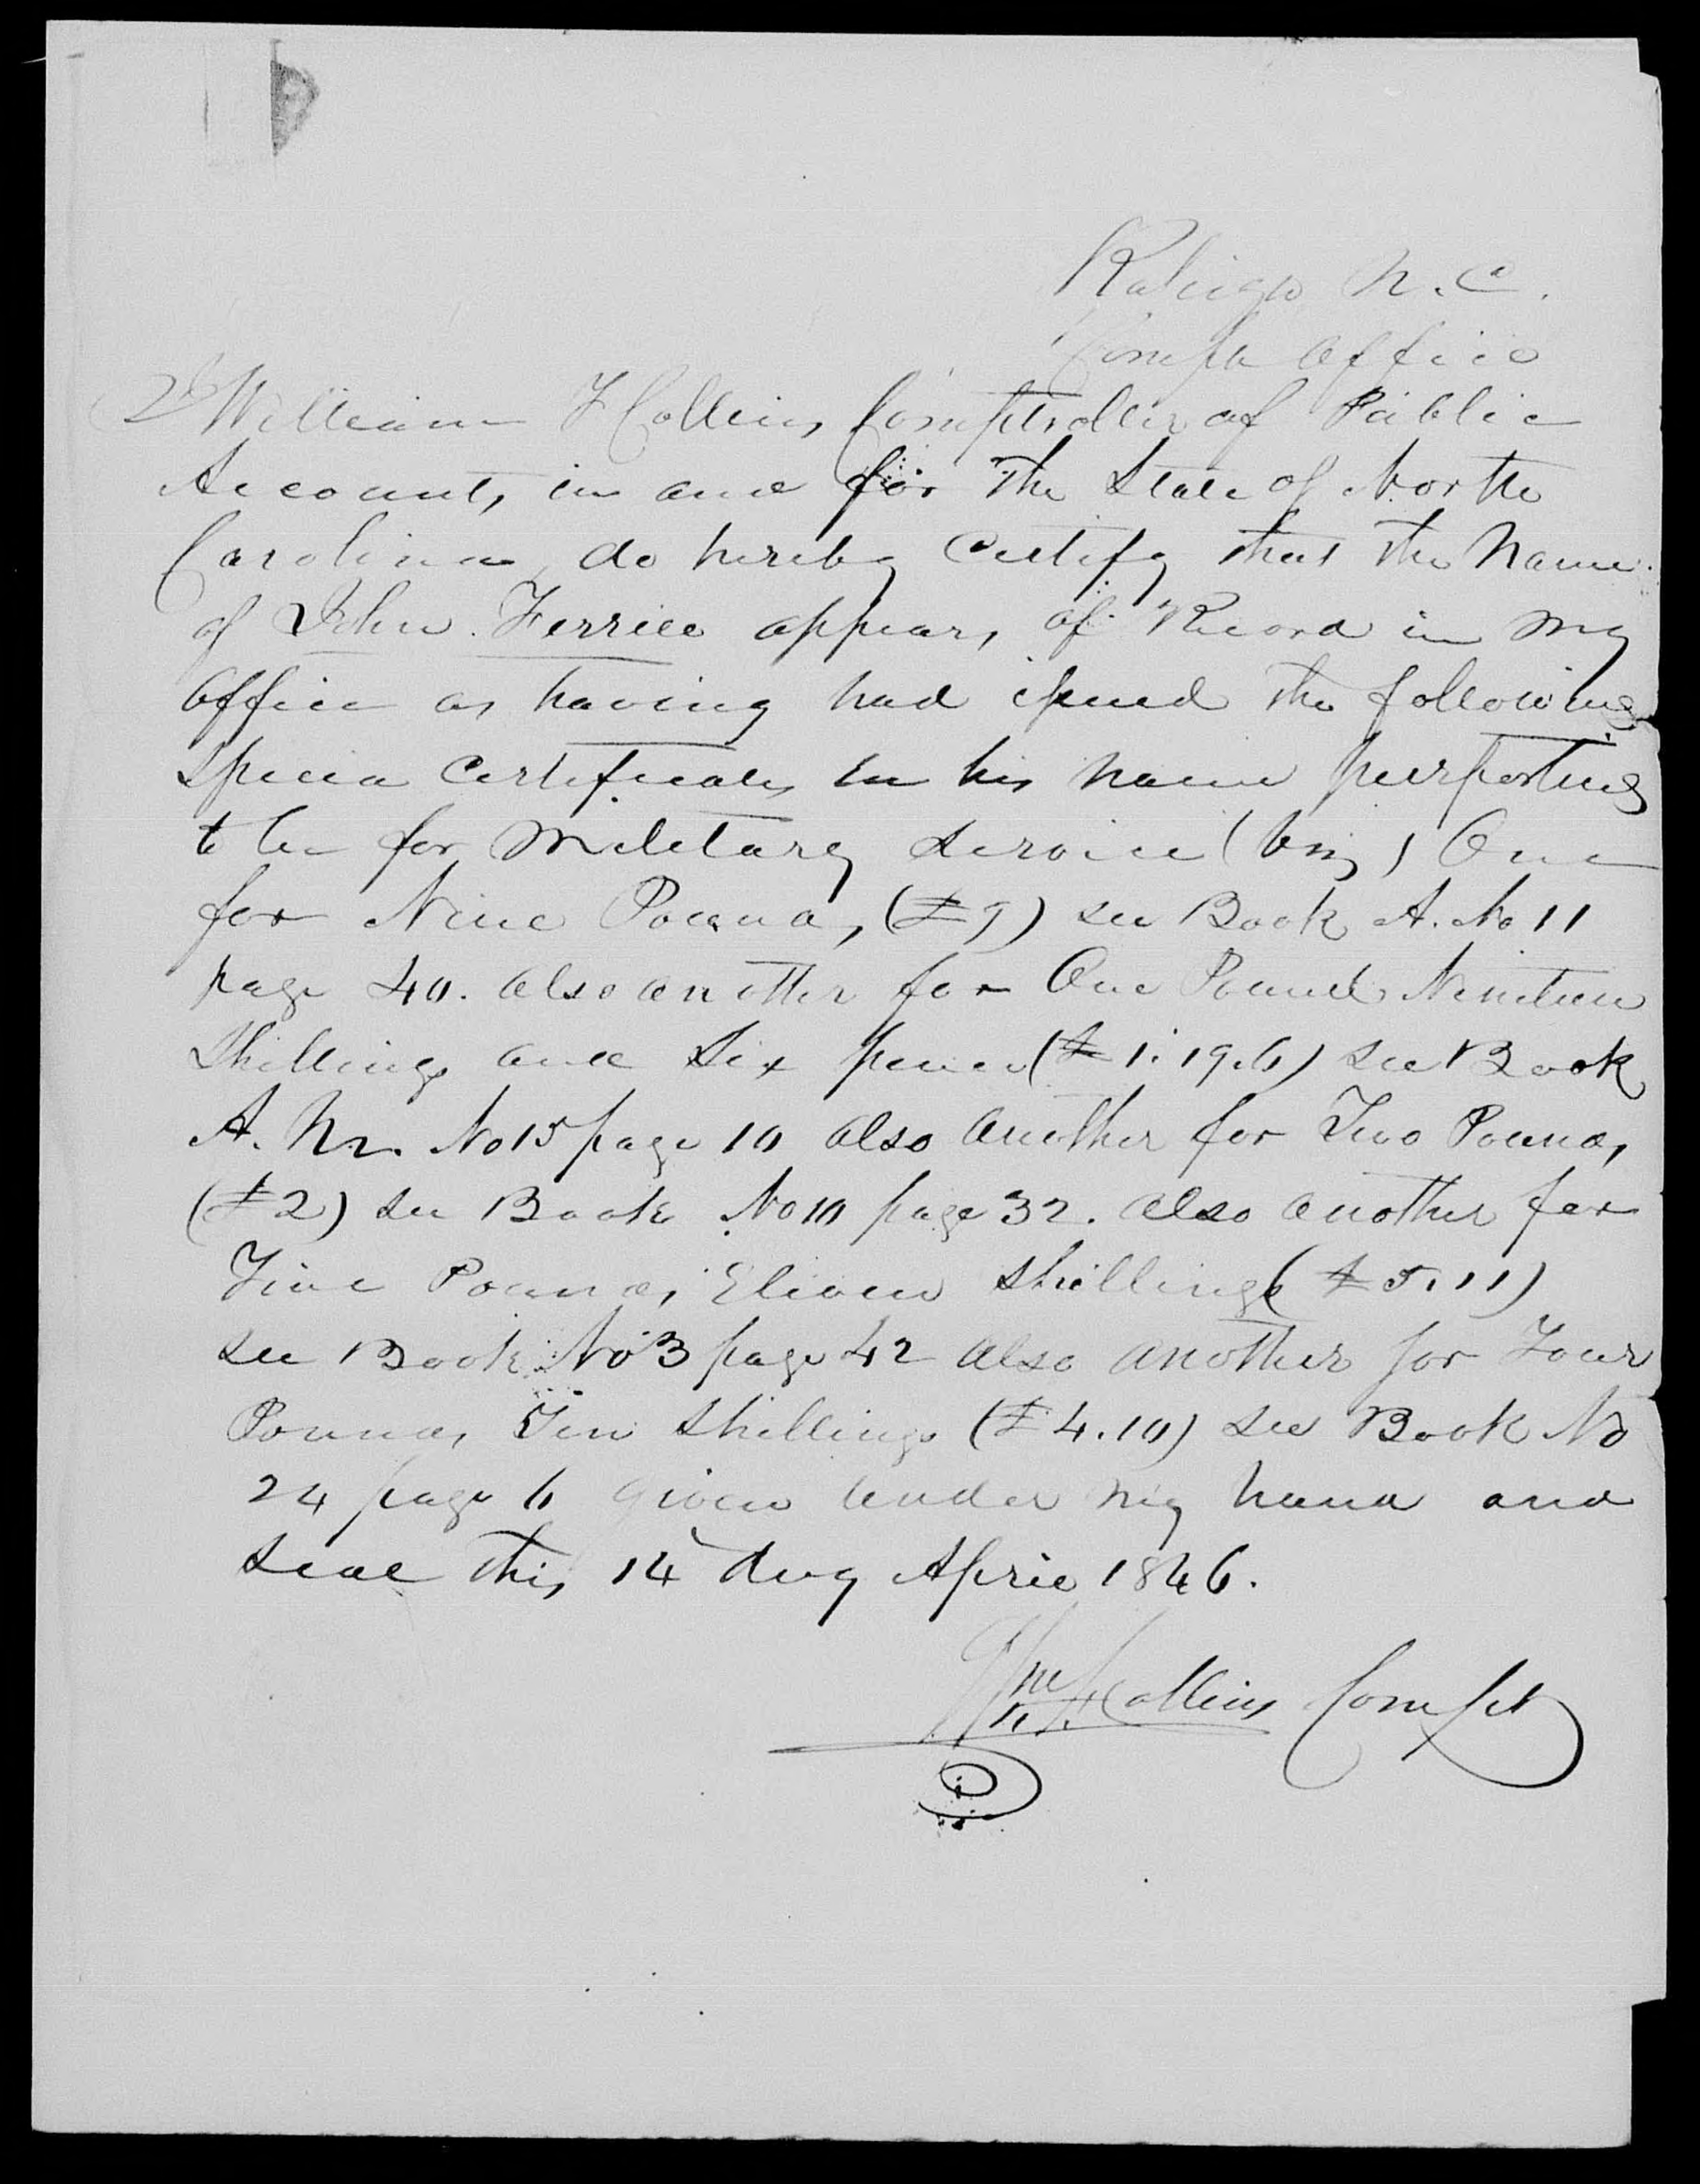Raleigh’s N.C. 
Comiss. Office
William Y. Collier Commissioner of Public Account in and for the State of North Carolina do hereby certify that the name of John Ferrell appears of Record in my office as having had spend the following special certificate in his name purporting to be for military service (:illegible: One for Nine Pound (L9) see Book A. no. 11 page 40 also another for One Pound Nineteen Shillings and Six pound (L: 1:19) see Book A No. 15 page 10 also another for two Pounds, (L2) see Book no 11 page 32.  Also another for five Pounds Eleven Shillings (L 5.11) see Book No 3 page 42 also another for Four Pounds, Ten Shillings (L 4.10) See book No 24, page 6 given under my hand and seal this 14 day April 1846. 
William Y. Collier Commissioner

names: William F Collins, John Ferrill, Wm F Collins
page: 52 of 52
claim: rejected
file: R. 3,512, John Ferrell, N.C.